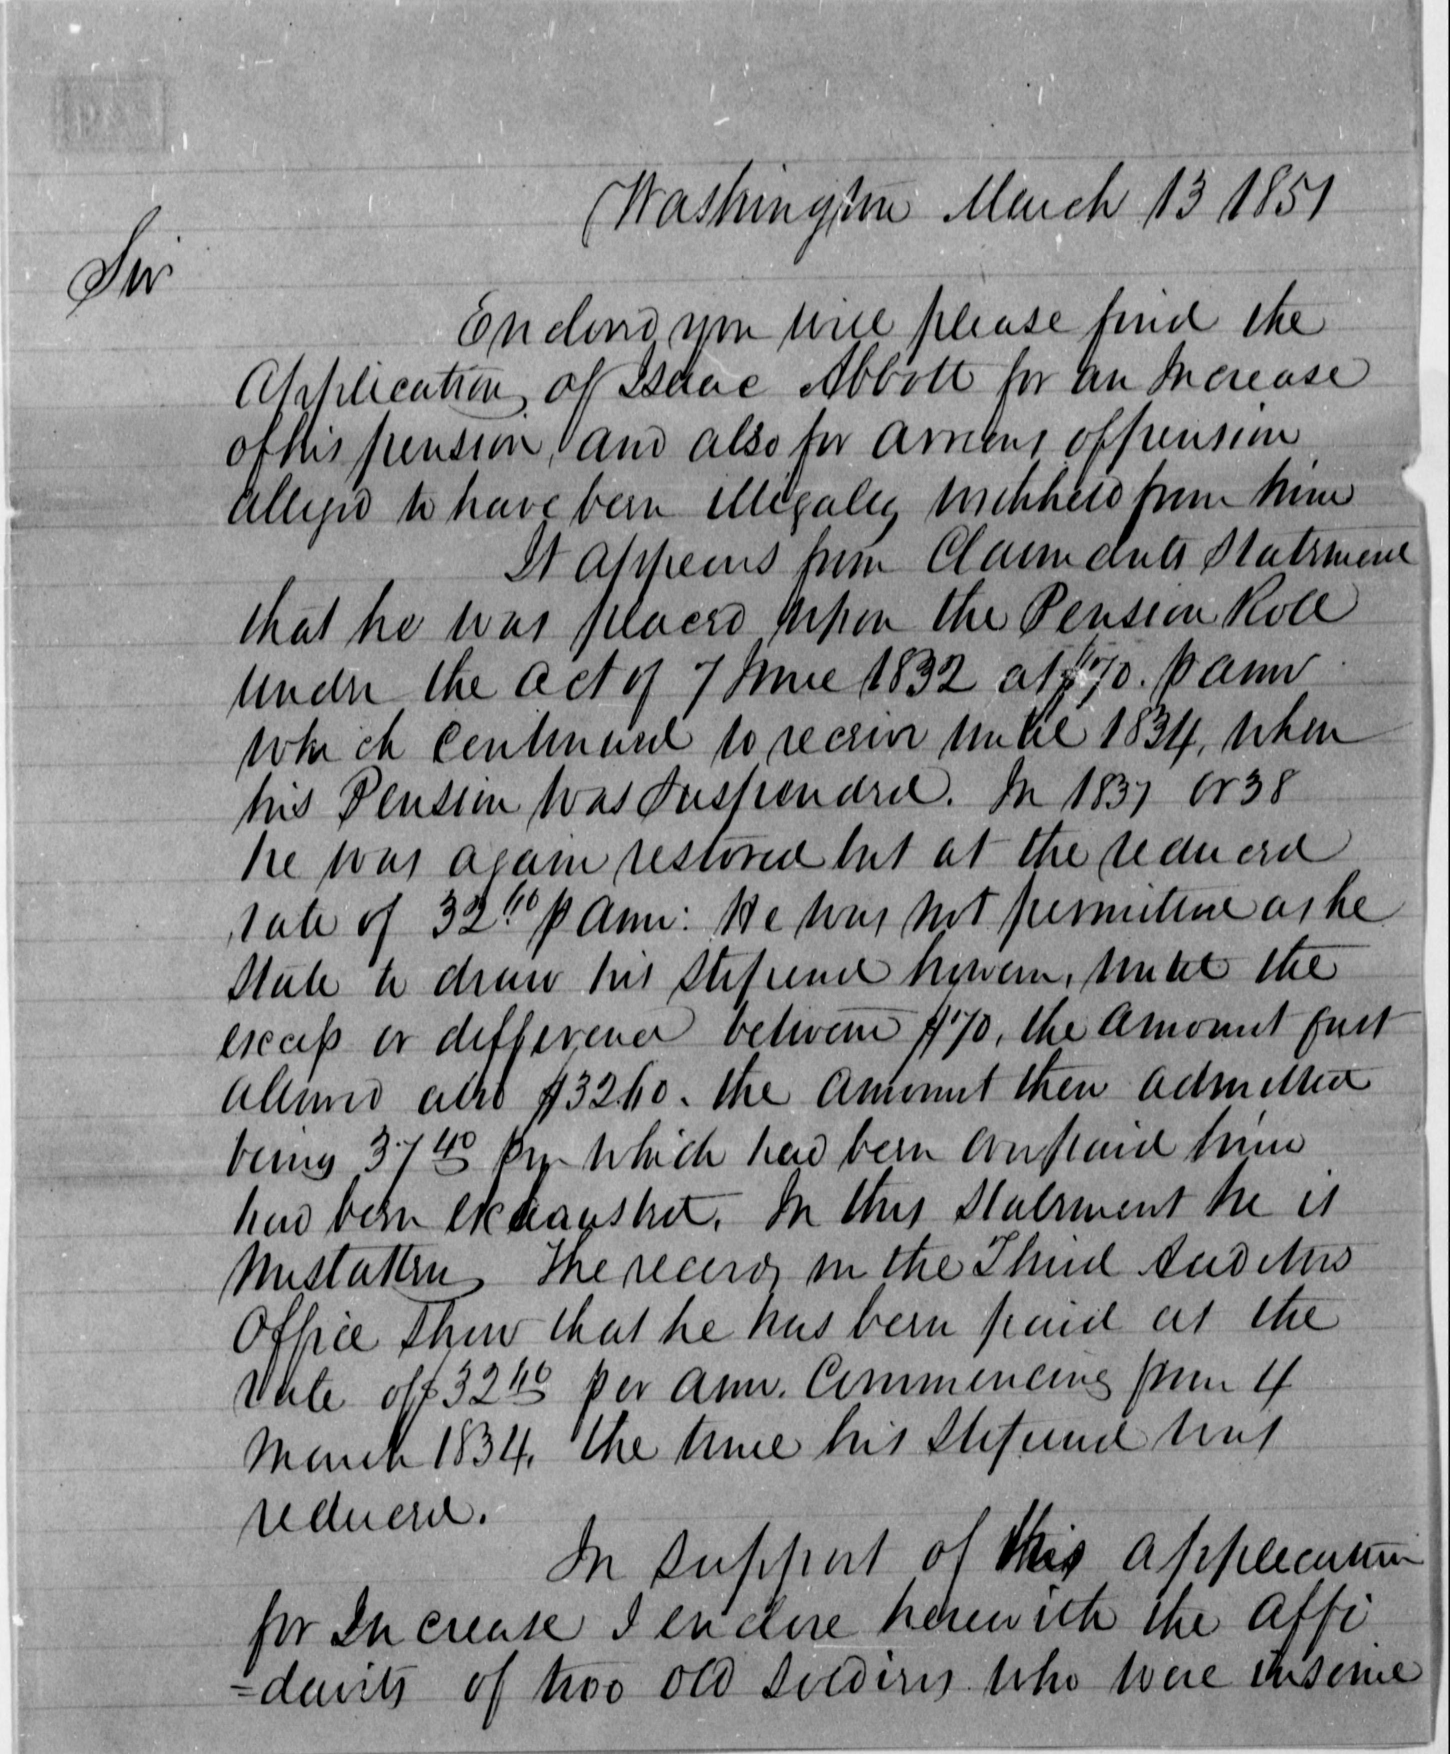Washington, March 13, 1851

Sir,
Enclosed you will please find the application of Isaac Abbott for an increase of his pension, and also for arrears of pension alleged to have been illegally withheld from him.
It appears from Claimants statements that he was pleased upon the Pension Roll under the Act of 7 June 1832 at $70 per annum, which continued to receive until 1834, when his pension was suspended. In 1837 or 1838 he was again restored but at the reduced rate of $32.60 per annum. He was not permitted as he stated to draw his stipend however, until the [illegible] or difference between $70, the amount first allowed, also $32.60, the amount then admitted being $37.40 per annum, which had been [illegible] him had been exhausted. In this statement he is mistaken. The records in the Third Auditors Office show that he has been paid at the rate of $32.40 per annum, commencing from 4 March 1834, the time his stipend was reduced.
In support of this application for increase, I enclose herewith the affidavit of too old soldiers who were [illegible]
...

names: Isaac Abbott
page: 82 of 86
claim: survivor's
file: S 29,568, Isaac Abbot, Mass